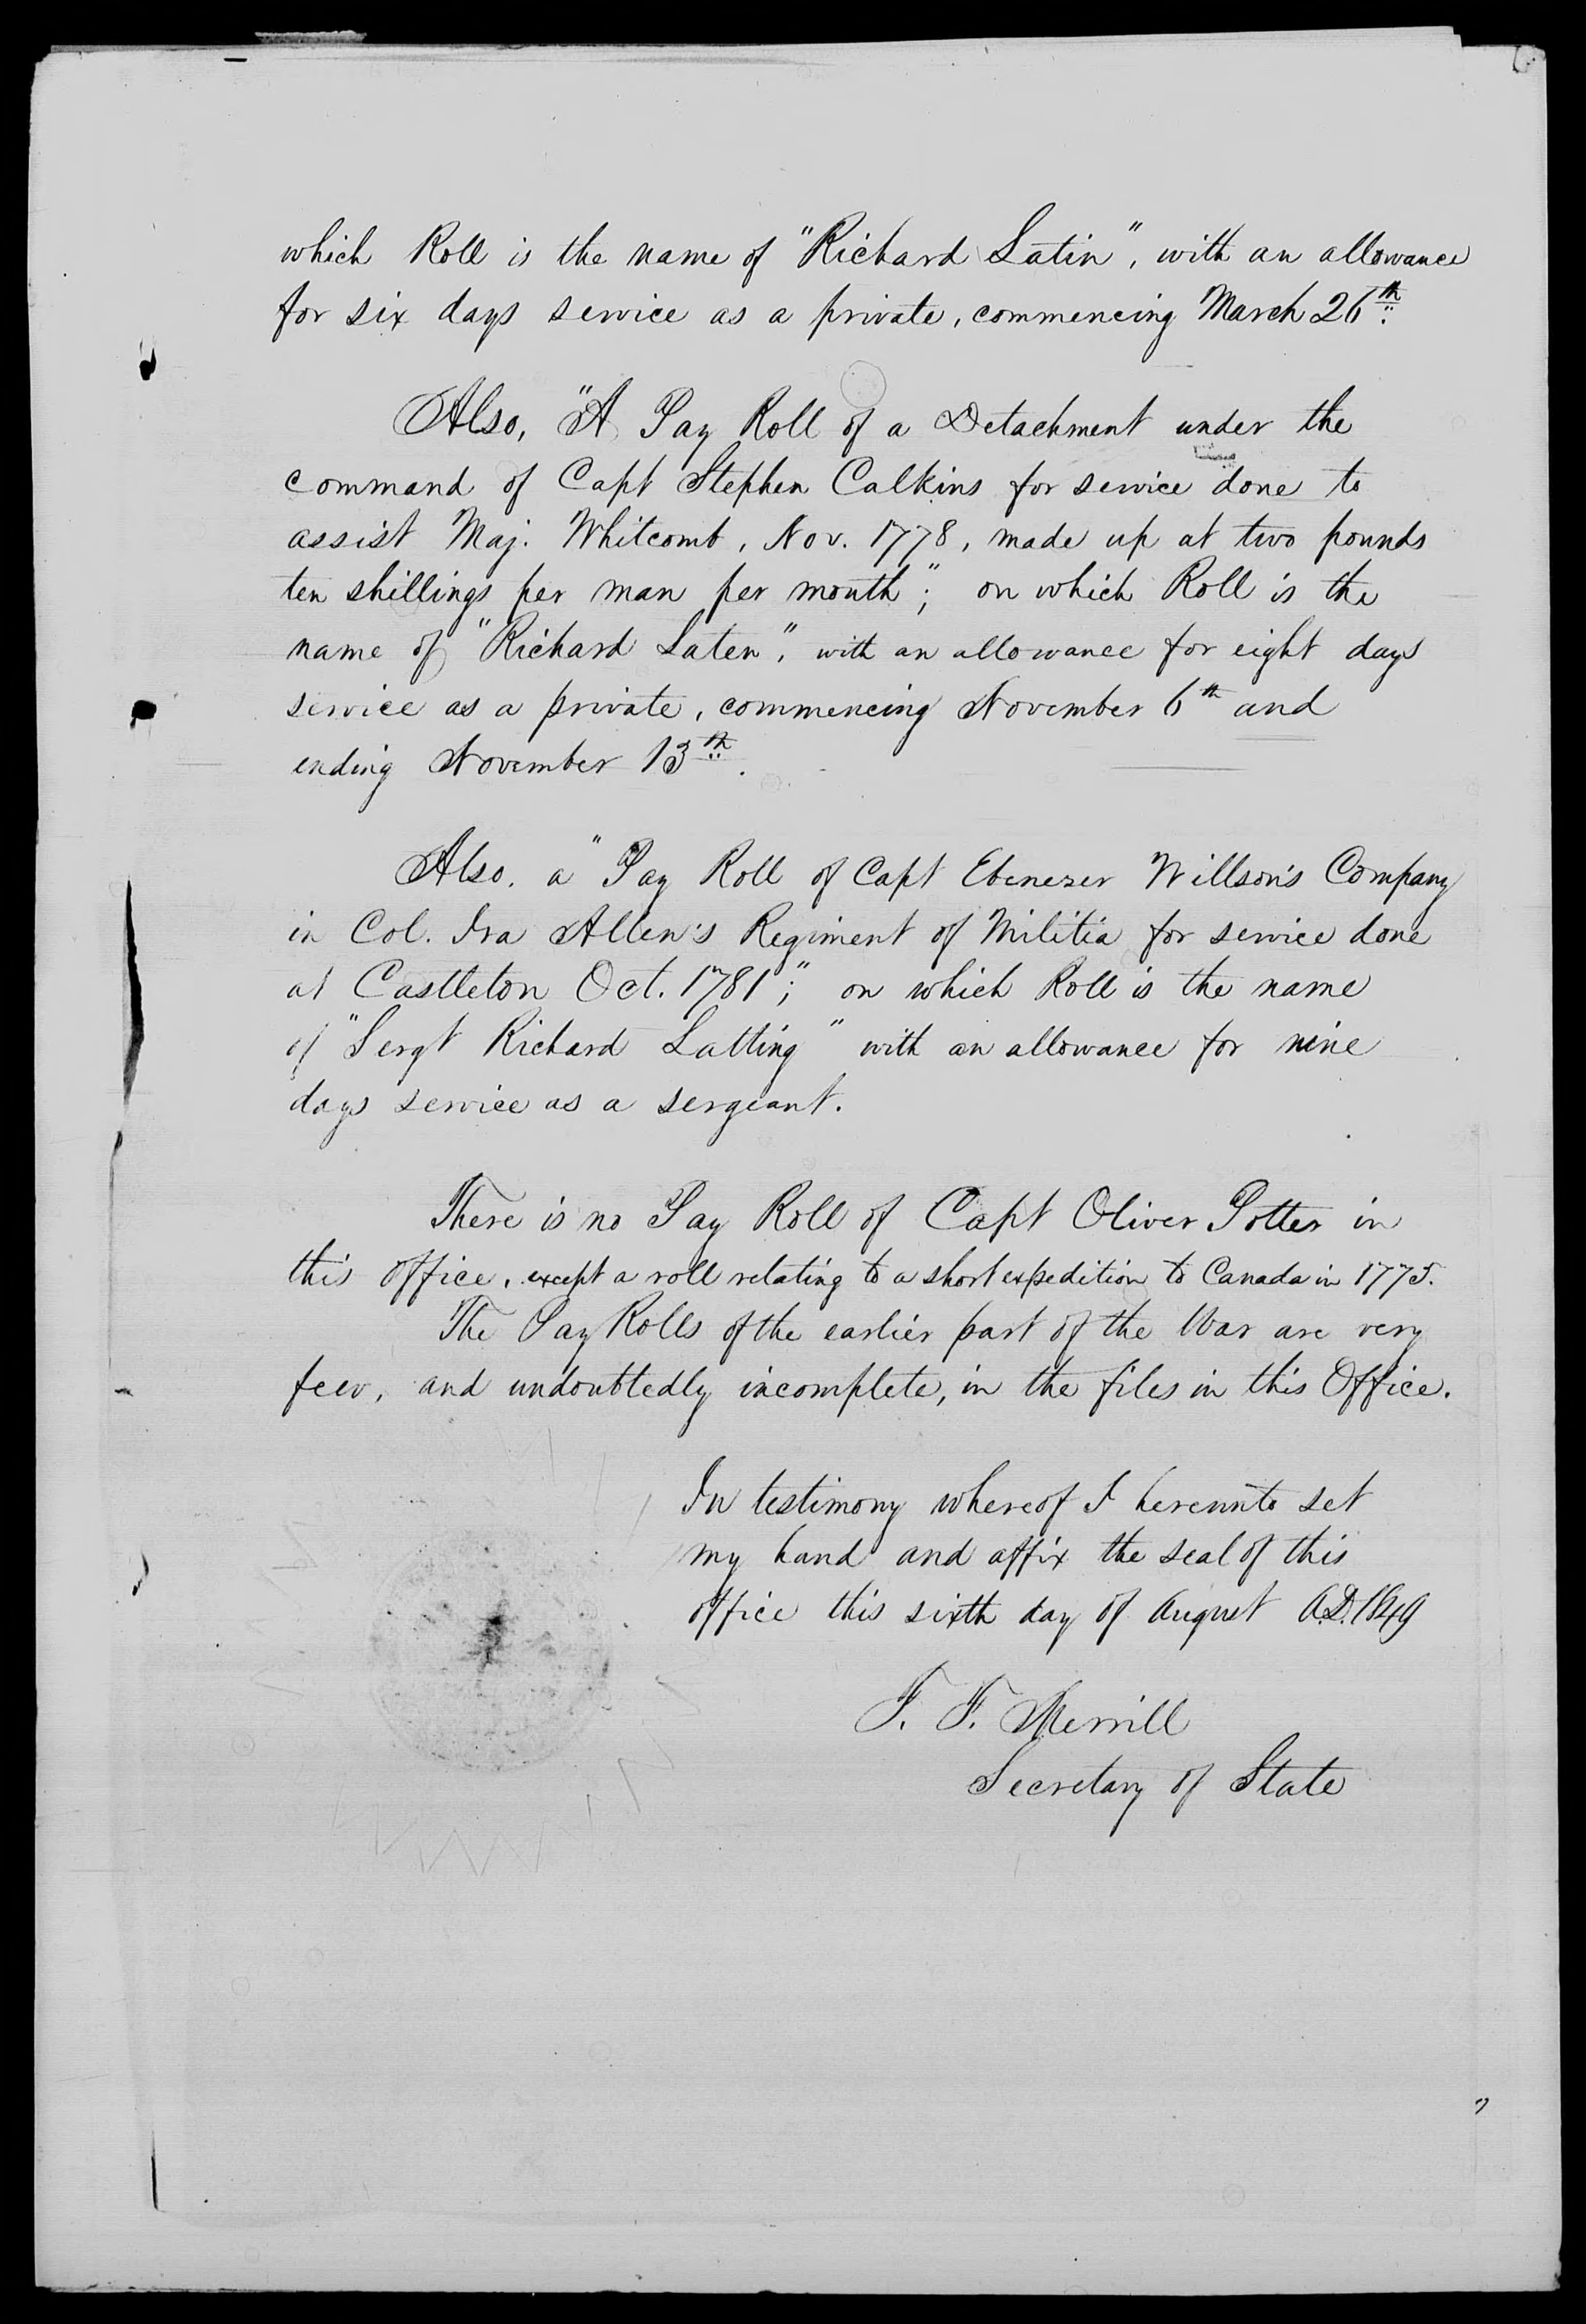which Roll is the name of "Richard Latin,” with an allowance
for six days service as a private, commencing March 26th.

Also, "A Pay Roll of a detachment under the command
of Capt Stephen Calkin’s for service done to
assist Maj. Whitcomb, Nov. 1778, made up at two pounds
ten shillings per man per month"" on which Roll is the
name of "Richard Laten”, with an allowance for eight days
service as a private, commencing November 6th and
ending November 13th.

Also a "Pay Roll of Capt Ebenezer Willson's Company
in Col. Ira Allen's Regiment of Militia for service done
at Castleton Oct. 1781,” on which Roll is the name of “Sergt Richard Latting” with an allowance for nine days service as a sergeant. 

There is no Pay Roll of Capt Oliver Potter in
this office, except a roll relating to a short expedition to Canada in 1775.
The Pay Rolls of the earlier part of the War are very
few, and undoubtedly incomplete, in the files in this Office.

In testimony whereof I hereunto set
my hand and affix the seal of this
office this sixth day of August A.D. 1849

F. F. Merrill
Secretary of State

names: Richard Latin; Oliver Potter; [BLANK] Whitcomb; Richard Latting; Stephen Calkins; F F Merrill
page: 31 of 99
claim: widow's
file: W. 24,482, for Richard Lattin, Vermont